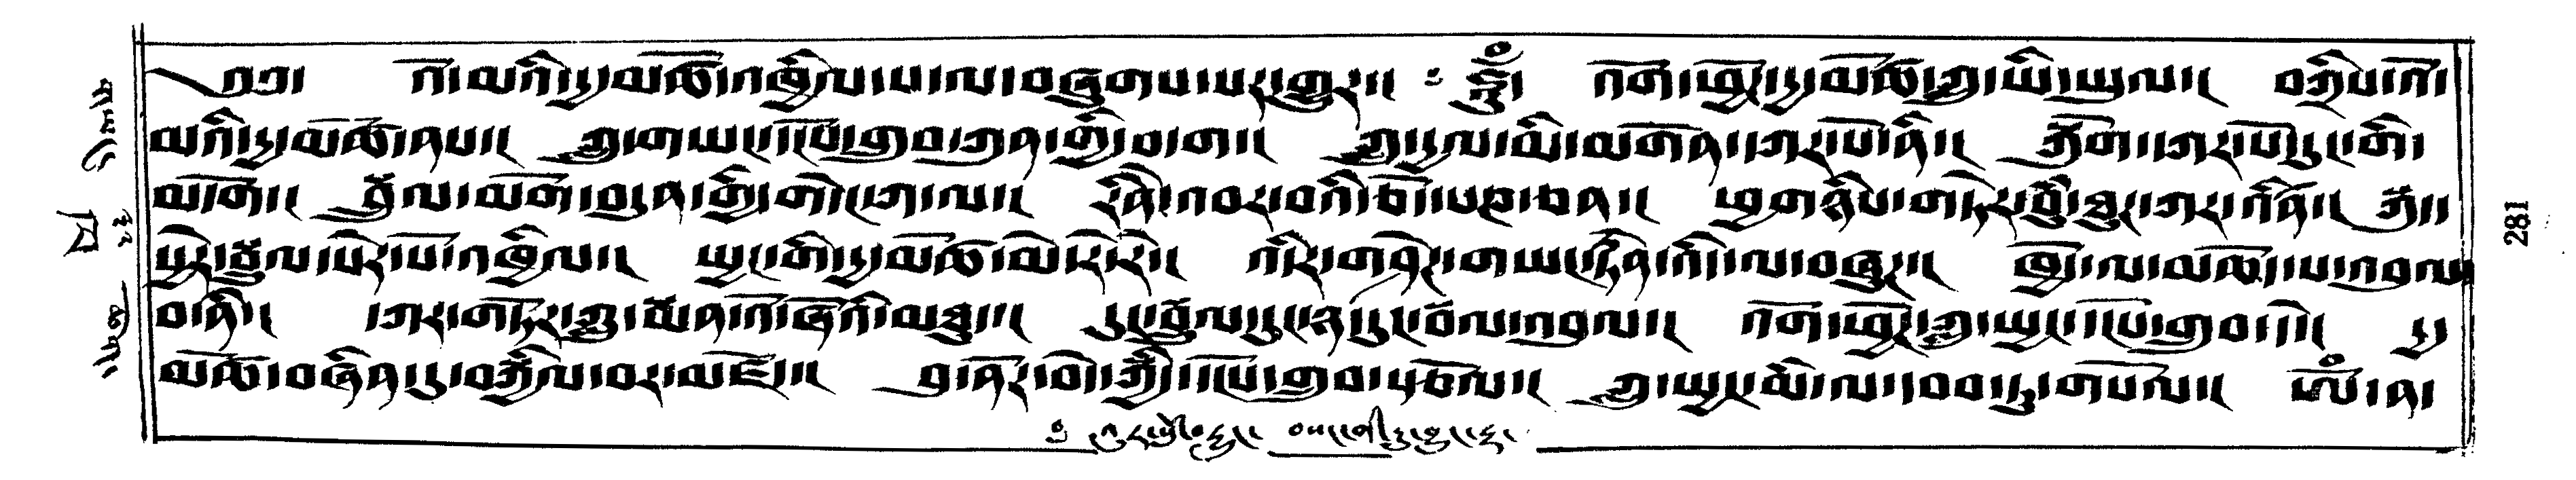འོ་མའི་རྒྱ་མཚོ་འཁྱིལ་པ་ལ་བཞུགས་པར་གྱུར། ཧཱུྃ། འོག་ཕྱོགས་རྒྱ་མཚོ་ཀླུ་ཡི་ཡུལ། །བཀྲ་ཤིས་འོ་
མའི་རྒྱ་མཚོ་ནས། །ཀླུ་གཡང་དངོས་གྲུབ་ཀུན་གྱི་བདག །ཀླུ་རྒྱལ་མི་མགོན་དཀར་པོ་ནི། །སྐུ་མདོག་དཀར་པོ་དུང་གི་
མདོག །སྦྲུལ་མགོ་བདུན་གྱི་གདེངས་ཀ་ལ། །རིན་ཆེན་འབར་བའི་ཅོད་པན་ཅན། །ཕྱག་གཉིས་གཏེར་བུམ་ཐུགས་ཀར་འཛིན། །སྐུ་
སྨད་གསེར་སྦྲུལ་སེར་པོ་འཁྱིལ། །གཡང་གི་རྒྱ་མཚོ་མེ་རེ་རེ། །འདིར་གཤེགས་གཡང་རྟེན་འདི་ལ་བཞུགས། །ཁྱོད་ལ་མཆོད་པ་འབུལ་
བ་ནི། །དཀར་གཏོར་ཀླུ་སྨན་འོ་ཞོ་མཐུད། །དུང་སྦྲུལ་དུང་ཉ་དུང་སྦལ་འབུལ། །འོག་ཕྱོགས་ཀླུ་གཡང་དངོས་གྲུབ་དེ། །རྒྱ་
མཚོ་བཞིན་དུ་བསྐྱིལ་བར་མཛོད། །བུ་ནོར་བདེ་སྐྱིད་དངོས་གྲུབ་སྩོལ། །ཀླུ་གཡང་མི་ལ་དབབ་ཏུ་གསོལ། །ཨོཾ་ན་